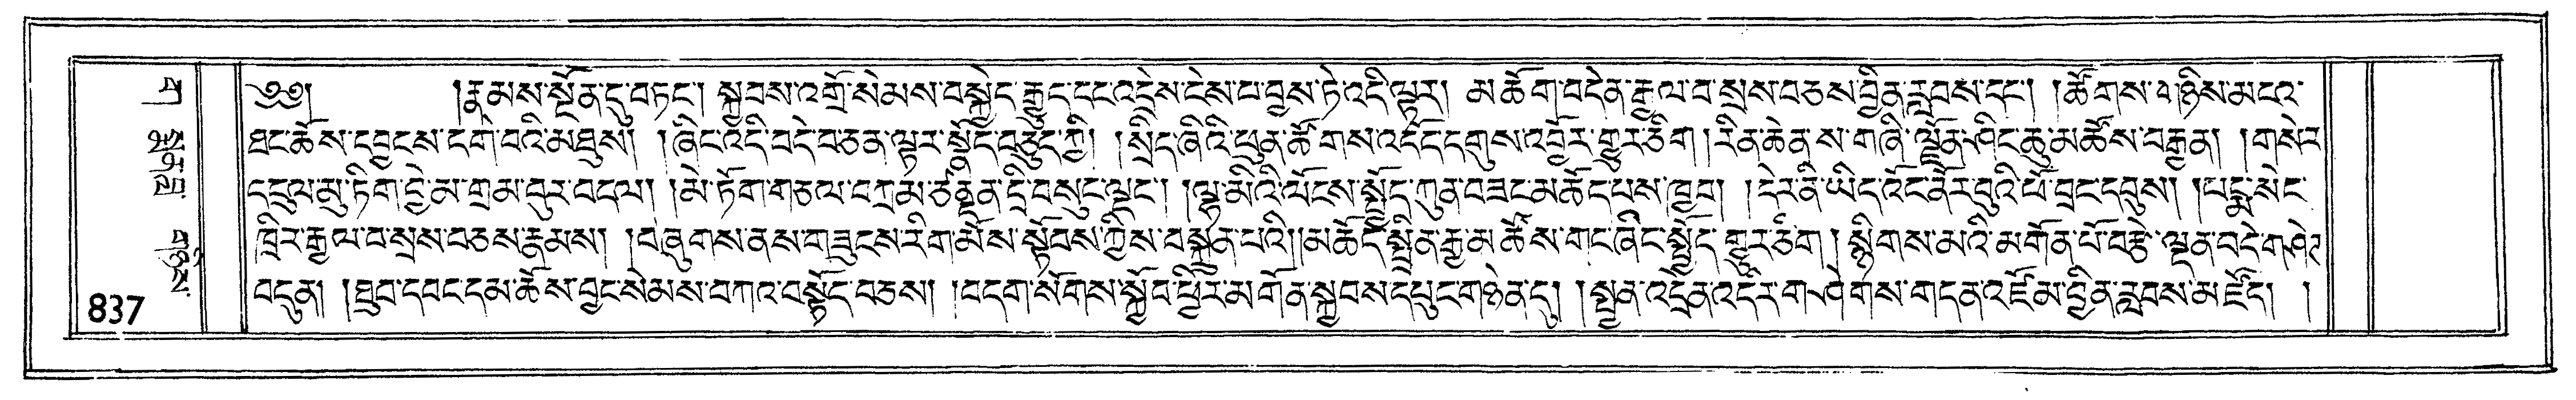༄༅། །རྣམས་སྔོན་དུ་བཏང་། སྐྱབས་འགྲོ་སེམས་བསྐྱེད་རྒྱུད་དང་འདྲེས་ངེས་པ་བྱས་ཏེ་འདི་ལྟར། མཆོག་བདེན་རྒྱལ་བ་སྲས་བཅས་བྱིན་རླབས་དང་། །ཚོགས་གཉིས་མངའ་
ཐང་ཆོས་དབྱངས་དགེ་བའི་མཐུས། །ཞིང་འདི་བདེ་བ་ཅན་ལྟར་སྣོད་བཅུད་ཀྱི། །སྲིད་ཞིའི་ཕུན་ཚོགས་འདོད་དགུས་འབྱོར་གྱུར་ཅིག །རིན་ཆེན་ས་གཞི་ལྗོན་ཤིང་ཆུ་མཚོས་བརྒྱན། །གསེར་
དངུལ་མུ་ཏིག་བྱེ་མ་གྲམ་བུར་བདལ། །མེ་ཏོག་གཅལ་བཀྲམ་ཙནྡན་དྲི་བསུང་ལྡང་། །ལྷ་མིའི་ལོངས་སྤྱོད་ཀུན་བཟང་མཆོད་པས་ཁྱབ། །དེར་ནི་ཡིད་འོང་ནོར་བུའི་ཕོ་བྲང་དབུས། །པདམ་སེང་
ཁྲིར་རྒྱལ་བ་སྲས་བཅས་རྣམས། །བཞུགས་ནས་གཟུངས་རིག་མོས་སྟོབས་ཀྱིས་བསྐྲུན་པའི། །མཆོད་སྤྲིན་རྒྱ་མཚོས་གང་ཞིང་སྤྱོད་གྱུར་ཅིག །སྙིགས་མའི་མགོན་པོ་བརྩེ་ལྡན་བདེ་གཤེགས་
བདུན། །ཐུབ་དབང་དམ་ཆོས་བྱང་སེམས་བཀའ་བསྟོད་བཅས། །བདག་སོགས་སྐྱོབ་ཕྱིར་མགོན་སྐྱབས་དཔུང་གཉེན་དུ། །སྤྱན་འདྲེན་འདིར་གཤེགས་གདན་འཛོམ་བྱིན་རླབས་མཛོད། །